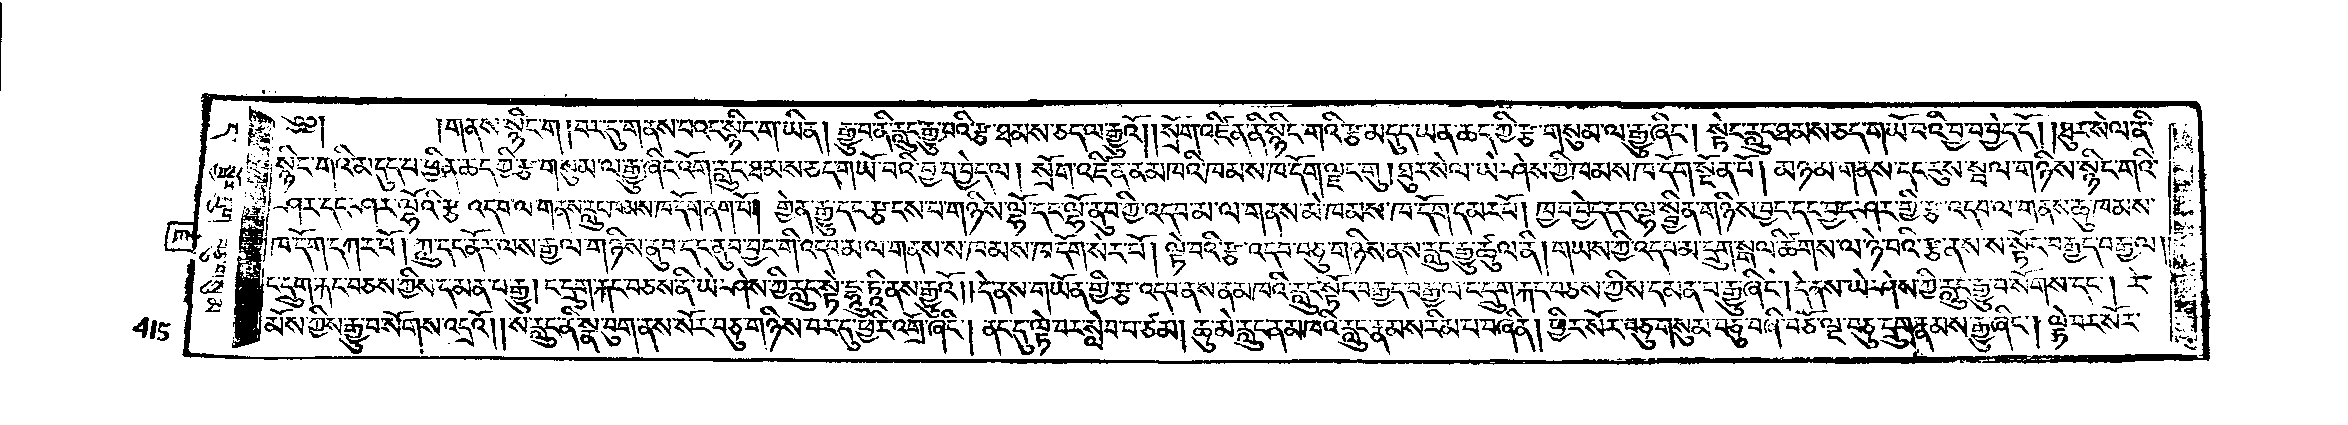༄༅། །གནས་སྙིང་ག །བར་དུ་གནས་པའང་སྙིང་ག་ཡིན། རྒྱུ་བ་ནི་རླུང་རྒྱུ་བའི་རྩ་ཐམས་ཅད་ལ་རྒྱུའོ། །སྲོག་འཛིན་ནི་སྙིང་གའི་རྩ་མདུད་ཡན་ཆད་ཀྱི་རྩ་གསུམ་ལ་རྒྱུ་ཞིང་། སྟེང་རླུང་ཐམས་ཅད་གཡོ་བའི་བྱ་བ་བྱེད་དོ། །ཐུར་སེལ་ནི་
སྙིང་གའི་མདུད་པ་ཕྱིན་ཆད་ཀྱི་རྩ་གསུམ་ལ་རྒྱུ་ཞིང་འོག་རླུང་ཐམས་ཅད་གཡོ་བའི་བྱ་བ་བྱེད་ལ། སྲོག་འཛིན་ནམ་མཁའི་ཁམས་ཁ་དོག་ལྗང་གུ། ཐུར་སེལ་ཡེ་ཤེས་ཀྱི་ཁམས་ཁ་དོག་སྔོན་པོ། མཉམ་གནས་དང་རུས་སྦལ་གཉིས་སྙིང་གའི་
ཤར་དང་ཤར་ལྷོའི་རྩ་འདབ་ལ་གནས་རླུང་ཁམས་ཁ་དོག་ནག་པོ། གྱེན་རྒྱུ་དང་རྩངས་པ་གཉིས་ལྷོ་དང་ལྷོ་ནུབ་ཀྱི་འདབ་མ་ལ་གནས་མེ་ཁམས་ཁ་དོག་དམར་པོ། ཁྱབ་བྱེད་དང་ལྷ་སྦྱིན་གཉིས་བྱང་དང་བྱང་ཤར་གྱི་རྩ་འདབ་ལ་གནས་ཆུ་ཁམས་
ཁ་དོག་དཀར་པོ། ཀླུ་དང་ནོར་ལས་རྒྱལ་གཉིས་ནུབ་དང་ནུབ་བྱང་གི་འདབ་མ་ལ་གནས་ས་ཁམས་ཁ་དོག་སེར་པོ། ལྟེ་བའི་རྩ་འདབ་བཅུ་གཉིས་ནས་རླུང་རྒྱུ་ཚུལ་ནི། གཡས་ཀྱི་འདབ་མ་དྲུག་སྒལ་ཚིགས་ལ་ཉེ་བའི་རྩ་ནས་ས་སྟོང་བརྒྱད་བརྒྱ་ལ།
ང་དྲུག་རྐང་བཅས་ཀྱིས་དམན་པ་རྒྱུ། ང་དྲུག་རྐང་བཅས་ནི་ཡེ་ཤེས་ཀྱི་རླུང་སྟེ་དྷཱུ་ཏཱི་ནས་རྒྱུའོ། །དེ་ནས་གཡོན་གྱི་རྩ་འདབ་ནས་ནམ་མཁའི་རླུང་སྟོང་བརྒྱད་བརྒྱ་ལ་ང་དྲུག་རྐང་བཅས་ཀྱིས་དམན་པ་རྒྱུ་ཞིང་། དེ་ནས་ཡེ་ཤེས་ཀྱི་རླུང་རྒྱུ་བ་སོགས་དང་། རེ་
མོས་ཀྱིས་རྒྱུ་བ་སོགས་འདྲའོ། །ས་རླུང་ནི་སྣ་བུག་ནས་སོར་བཅུ་གཉིས་བར་དུ་ཕྱིར་འགྲོ་ཞིང་། ནང་དུ་ལྟེ་བར་སླེབ་པ་ཙམ། ཆུ་མེ་རླུང་ནམ་མཁའི་རླུང་རྣམས་རིམ་པ་བཞིན། ཕྱིར་སོར་བཅུ་གསུམ་བཅུ་བཞི་བཅོ་ལྔ་བཅུ་དྲུག་རྣམས་རྒྱུ་ཞིང་། ལྟེ་བར་སོར་